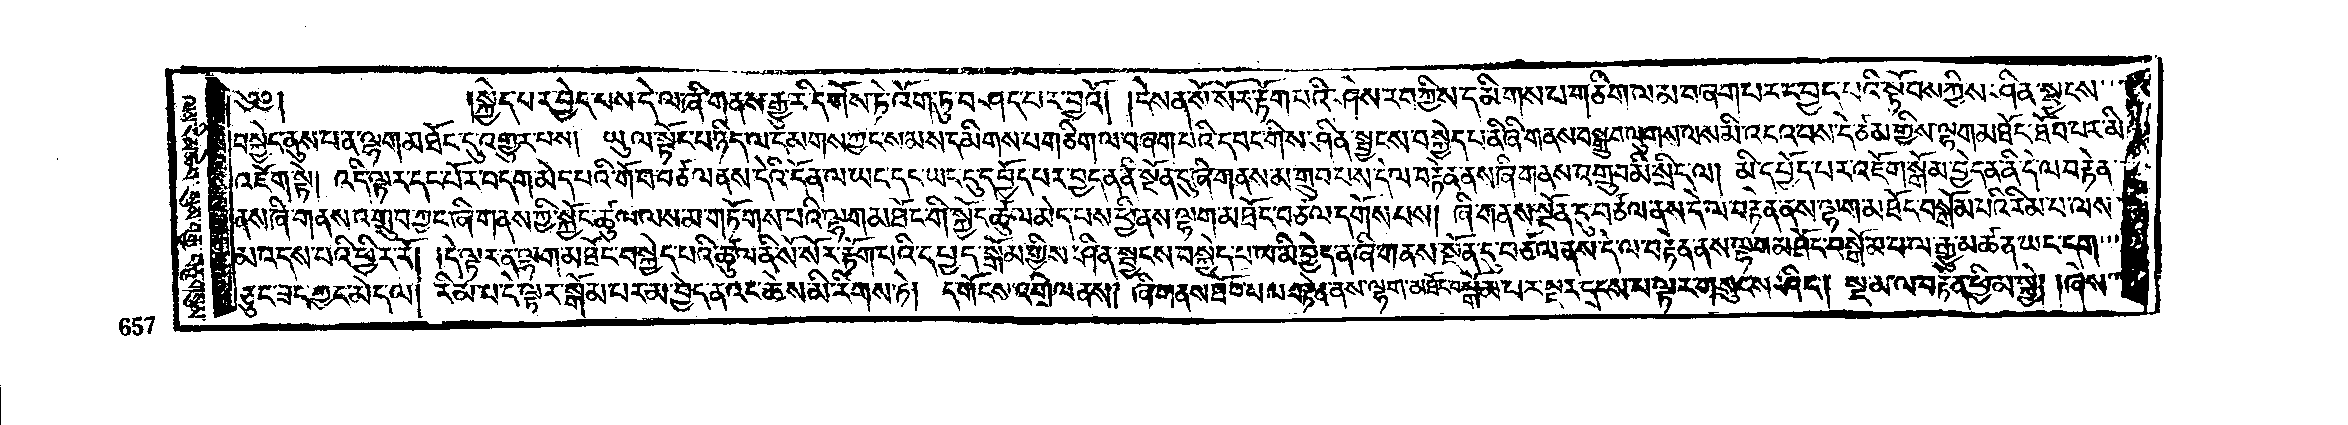༄༅། །སྐྱེད་པར་བྱེད་པས་དེ་ལ་ཞི་གནས་རྒྱུར་དགོས་ཏེ་འོག་ཏུ་བཤད་པར་བྱའོ། །དེས་ན་སོ་སོར་རྟོག་པའི་ཤེས་རབ་ཀྱིས་དམིགས་པ་གཅིག་ལ་མ་བཞག་པར་དཔྱད་པའི་སྟོབས་ཀྱིས་ཤིན་སྦྱངས་
བསྐྱེད་ནུས་པ་ན་ལྷག་མཐོང་དུ་འགྱུར་བས། ཡུལ་སྟོང་པ་ཉིད་ལ་དམིགས་ཀྱང་སེམས་དམིགས་པ་གཅིག་ལ་བཞག་པའི་དབང་གིས་ཤིན་སྦྱངས་བསྐྱེད་པ་ནི་ཞི་གནས་བསྒྲུབ་ལུགས་ལས་མི་འདའ་བས་དེ་ཙམ་གྱིས་ལྷག་མཐོང་ཐོབ་པར་མི་
འཇོག་སྟེ། འདི་ལྟར་དང་པོར་བདག་མེད་པའི་གོ་བ་བཙལ་ནས་དེའི་དོན་ལ་ཡང་དང་ཡང་དུ་དཔྱོད་པར་བྱེད་ན་ནི་སྔོན་དུ་ཞི་གནས་མ་གྲུབ་པས་དེ་ལ་བརྟེན་ནས་ཞི་གནས་འགྲུབ་མི་སྲིད་ལ། མི་དཔྱོད་པར་འཇོག་སྒོམ་བྱེད་ན་ནི་དེ་ལ་བརྟེན་
ནས་ཞི་གནས་འགྲུབ་ཀྱང་ཞི་གནས་ཀྱི་སྐྱོང་ཚུལ་ལས་མ་གཏོགས་པའི་ལྷག་མཐོང་གི་སྐྱོང་ཚུལ་མེད་པས་ཕྱི་ནས་ལྷག་མཐོང་བཙལ་དགོས་པས། ཞི་གནས་སྔོན་དུ་བཙལ་ནས་དེ་ལ་བརྟེན་ནས་ལྷག་མཐོང་བསྒོམ་པའི་རིམ་པ་ལས་
མ་འདས་པའི་ཕྱིར་རོ། །དེ་ལྟར་ན་ལྷག་མཐོང་བསྐྱེད་པའི་ཚུལ་ནི་སོ་སོར་རྟོག་པའི་དཔྱད་སྒོམ་གྱིས་ཤིན་སྦྱངས་བསྐྱེད་པ་ལ་མི་བྱེད་ན་ཞི་གནས་སྔོན་དུ་བཙལ་ནས་དེ་ལ་བརྟེན་ནས་ལྷག་མཐོང་བསྒོམ་པ་ལ་རྒྱུ་མཚན་ཡང་དག་
ཅུང་ཟད་ཀྱང་མེད་ལ། རིམ་པ་དེ་ལྟར་སྒོམ་པར་མི་བྱེད་ནའང་ཆེས་མི་རིགས་ཏེ། དགོངས་འགྲེལ་ནས། ཞི་གནས་ཐོབ་པ་ལ་བརྟེན་ནས་ལྷག་མཐོང་བསྒོམ་པར་སྔར་དྲངས་པ་ལྟར་གསུངས་ཤིང་། སྔ་མ་ལ་བརྟེན་ཕྱི་མ་སྐྱེ། །ཞེས་